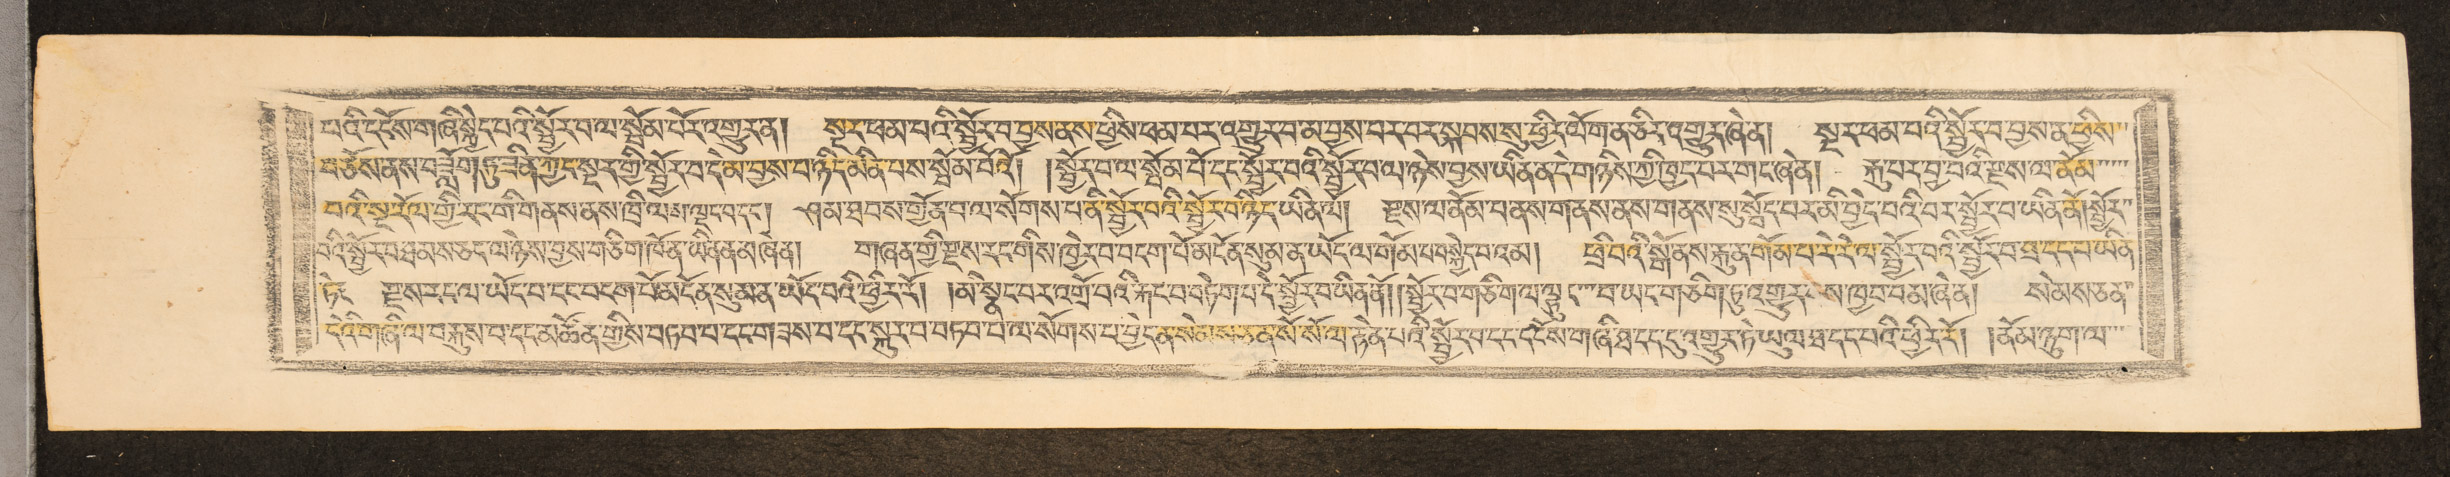པའི་དངོས་གཞི་སྐྱེད་པའི་སྦྱོར་བ་ལ་སྦོམ་པོར་འགྱུར་ན། སྔར་ཕམ་པའི་སྦྱོར་བ་བྱས་ནས་ཕྱིས་ཕམ་པར་འགྱུར་བ་མ་བྱས་པར་བར་སྐབས་སུ་ཕྱིར་ལོ་ག་ན་ཅིར་འགྱུར་ཞེ་ན། སྔར་ཕམ་པའི་སྦྱོར་བ་བྱས་ན་ཕྱིས་
བཅོས་ནས་བཟློག་ཏུ་ཟིན་ཀྱང་སྡར་གྱི་སྦྱོར་བ་དེ་མ་བྱས་པ་ཉིད་མིན་པས་སྦོམ་པོའོ། །སྦྱོར་བ་ལ་སྦོམ་པོ་དང་སྦྱོར་བའི་སྦྱོར་བ་ལ་ཉེས་བྱས་ཡིན་ན་དེ་གཉིས་ཀྱི་ཁྱད་པར་གང་ཞེ་ན། རྐུ་བར་བྱ་བའི་རྫས་ལ་ནོམ་
པའི་སྔ་རོལ་གྱི་རང་གི་གནས་ནས་ཁྲི་ལས་ལྡང་བ་དད?། ཤམ་ཐབས་གྱོན་པ་ལ་སོགས་པ་ནི་སྦྱོར་བའི་སྦྱོར་བ་ཉིད་ཡིན་ལ། རྫས་ལ་ནོམ་པ་ནས་གནས་ནས་གནས་སུ་སྦོད་པར་མི་བྱེད་པའི་བར་སྦྱོར་བ་ཡིན་ནོ། སྦྱོར་
བའི་སྦྱོར་བ་ཐམས་ཅད་ལ་ཉེས་བྱས་གཅིག་ཁོ་ན་ཡིན་ནམ་ཞེ་ན། གཞན་གྱི་རྫས་རང་གིས་ཁྱེར་བ་བདག་པོ་མདོན་སུམ་ན་ཡོད་ལ་གོམ་པ་བསྐྱེད་པ་འམ། ཕྲི་བའི་སྒོ་ནས་རྐུན་གོམ་པ་རེ་རེ་ལ་སྦྱོར་བའི་སྦྱོར་བ་ཐ་དད་པ་ཡིན་
ཏེ༑ རྫས་རད་ལ་བོད་པ་དང་བདག་པོ་མངོན་སུམ་ན་ཡོང་པའི་ཕྱིར་རོ། །མི་སྣང་བར་འགྲོ་བའི་རྐང་པ་བཏེག་པ་དེ་སྦྱོར་བ་ཡིན་ནོ། །སྦྱོར་བ་གཅིག་ལ་ལྟུང་བ་ཡང་གཅིག་ཏུ་འགྱུར་བས་ཁྱབ་བམ་ཞེ་ན། སེམས་ཅན་
དེའི་གཞི་ལ་བརྐུས་པ་དང་མཚོན་གྱིས་བཏབ་པ་དང་གཟས་པ་དང་སྐུར་པ་བཏབ་པ་ལ་སོགས་པ་བྱེད་ན་སེམས་ཅན་སོ་སོ་ལ་རྟེན་པའི་སྦྱོར་བ་དང་དངོས་གཞི་ཐ་དད་དུ་འགྱུར་ཏེ་ཡུལ་ཐ་དད་པའི་ཕྱིར་རོ། །ནོམ་ཉུག་ལ་